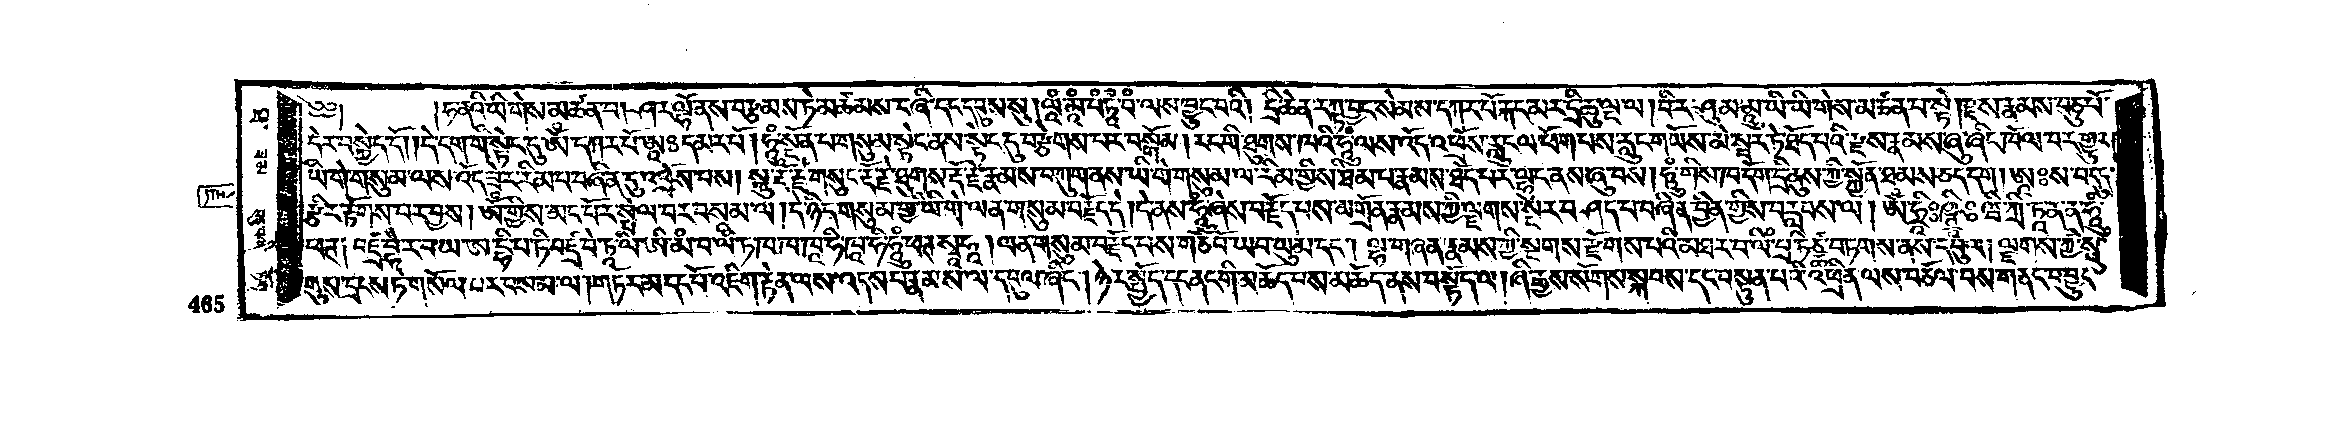༄༅། །ཧ་ནའི་ཡི་གེས་མཚན་པ། ཤར་ལྷོ་ནས་བརྩམས་ཏེ་མཚམས་བཞི་དང་དབུས་སུ། ལཱཾ་མཱཾ་པཾ་ཏཱཾ་བཾ་ལས་བྱུང་བའི། དྲི་ཆེན་རཀྟ་བྱང་སེམས་དཀར་པོ་རྐང་མར་དྲི་ཆུ་ལྔ་ལ། བི་ར་ཤུ་མ་མཱུ་ཡི་ཡི་གེས་མཚན་པ་སྟེ། རྫས་རྣམས་བཅུ་པོ་
དེར་བསྐྱེད་དོ། །དེ་དག་གི་སྟེང་དུ་ཨོཾ་དཀར་པོ་ཨཱཿ དམར་པོ། ཧཱུཾ་སྔོན་པོ་གསུམ་སྟེང་ནས་སྟེང་དུ་བརྩེགས་པར་བསྒོམ། རང་གི་ཐུགས་ཁའི་ཧཱུཾ་ལས་འོད་འཕྲོས་རླུང་ལ་ཕོག་པས་རླུང་གཡོས་མེ་སྦར་ཏེ་ཐོད་པའི་རྫས་རྣམས་ཞུ་ཞིང་ཁོལ་བར་གྱུར།
ཡི་གེ་གསུམ་ལས་འོད་ཟེར་རིམ་པ་བཞིན་དུ་འཕྲོས་པས། སྐུ་རྡོ་རྗེ་གསུང་རྡོ་རྗེ་ཐུགས་རྡོ་རྗེ་རྣམས་བཀུག་ནས་ཡི་གེ་གསུམ་ལ་རིམ་གྱིས་ཐིམ་པ་རྣམས་ཐོད་པར་ལྷུང་ནས་ཞུ་བས། ཧཱུཾ་གིས་ཁ་དོག་དྲི་ནུས་ཀྱི་སྐྱོན་ཐམས་ཅད་དག། ཨཱཿ ས་བདུད་
རྩིར་རྟོགས་པར་བྱས། ཨོཾ་གྱིས་མང་པོར་སྤེལ་བར་བསམ་ལ། དེ་ཉིད་གསུམ་གྱི་ཡི་གེ་ལན་གསུམ་བརྗོད་དེ། དེ་ནས་ཧཱུཾ་ཞེས་བརྗོད་པས་མགྲོན་རྣམས་ཀྱི་ལྗགས་སྔར་བཤད་པ་བཞིན་བྱིན་གྱིས་བརླབས་ལ། ཨོཾ་ཧྲཱིཿ ཥྚྲཱིཿ ཝི་ཀྲི་ཏཱ་ན་ན་ཧཱུཾ་
ཕཊ། བཛྲ་བྷཻ་ར་བ་ཡ་ཨ་དྷི་པ་ཏི་བཛྲ་བེ་ཏཱ་ལི་ཨི་མཾ་བ་ལཾ་ཏ་ཁ་ཁ་ཁཱ་ཧི་ཁཱ་ཧི་ཧཱུཾ་ཕཊ་སྭཱཧཱ། ལན་གསུམ་བརྗོད་པས་གཙོ་བོ་ཡབ་ཡུམ་དང་། ལྷ་གཞན་རྣམས་ཀྱི་སྔགས་རྫོགས་པའི་མཐར་བ་ལིཾ་པྲ་ཏི་ཙྪ་བཏགས་ནས་དབུལ། ལྗགས་ཀྱི་སྤུ་
གུས་དྲངས་ཏེ་གསོལ་བར་བསམ་ལ། གཏོར་མ་དང་པོ་འཇིག་རྟེན་ལས་འདས་པ་རྣམས་ལ་དབུལ་ཞིང་། ཉེར་སྤྱོད་དང་ནང་གི་མཆོད་པས་མཆོད་ནས་བསྟོད་ལ། ཞི་རྒྱས་སོགས་སྐབས་དང་བསྟུན་པའི་འཕྲིན་ལས་བཅོལ་བས་གནང་བ་བྱུང་